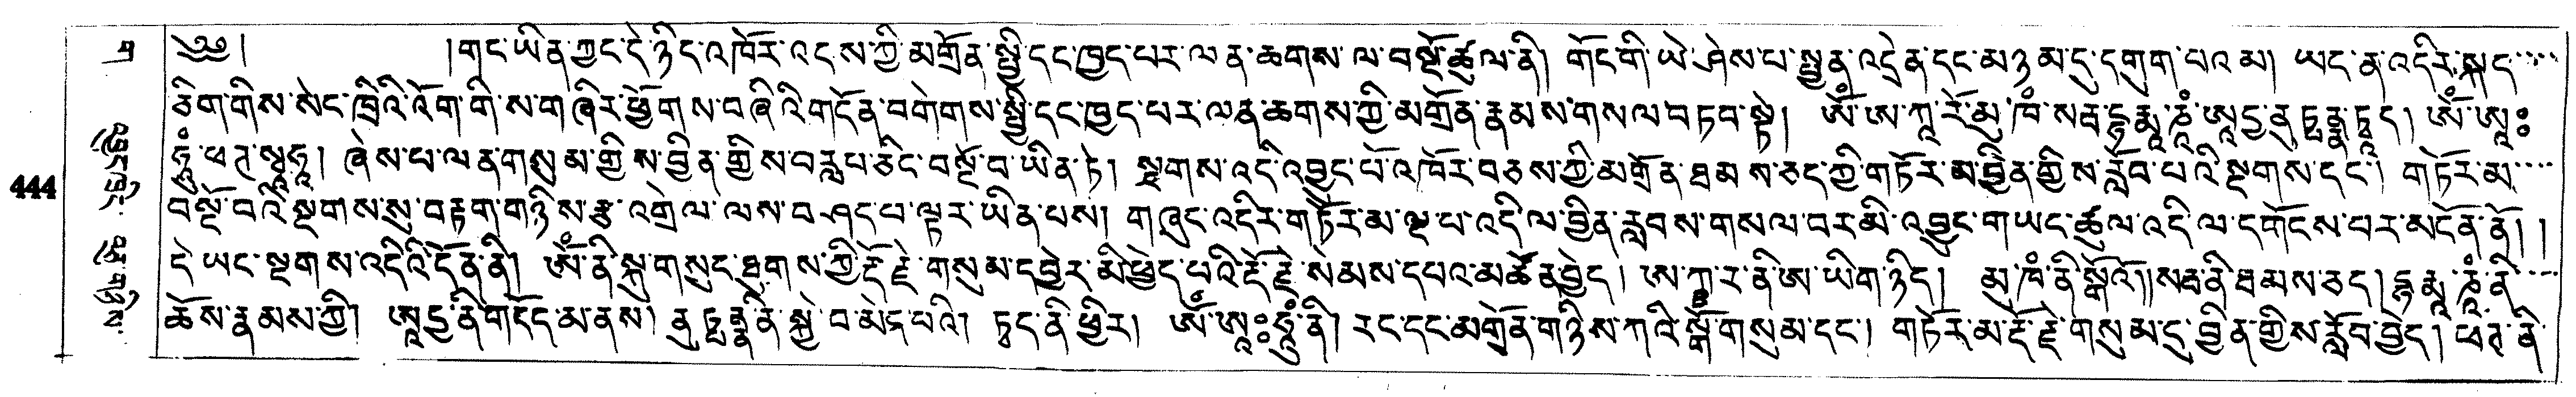༄༅། །གང་ཡིན་ཀྱང་དེ་ཉིད་འཁོར་འདས་ཀྱི་མགྲོན་སྤྱི་དང་ཁྱད་པར་ལན་ཆགས་ལ་བསྔོ་ཚུལ་ནི། གོང་གི་ཡེ་ཤེས་པ་སྤྱན་འདྲེན་དང་མཉམ་དུ་དགུག་པའམ། ཡང་ན་འདིར་སྐད་
ཅིག་གིས་སེང་ཁྲིའི་འོག་གི་ས་གཞིར་ཕྱོགས་བཞིའི་གདོན་བགེགས་སྤྱི་དང་ཁྱད་པར་ལན་ཆགས་ཀྱི་མགྲོན་རྣམས་གསལ་བཏབ་སྟེ། ཨོཾ་ཨ་ཀཱ་རོ་མུ་ཁཾ་སརྦ་དྷརྨཱ་ཎཱཾ་ཨཱདྱ་ནུ་ཏྤ་ནྣ་ཏྭཱད། ཨོཾ་ཨཱཿ
ཧཱུཾ་ཕཊ་སྭཱཧཱ། ཞེས་པ་ལན་གསུམ་གྱིས་བྱིན་གྱིས་བརླབ་ཅིང་བསྔོ་བ་ཡིན་ཏེ། སྔགས་འདི་འབྱུང་པོ་འཁོར་བཅས་ཀྱི་མགྲོན་ཐམས་ཅད་ཀྱི་གཏོར་མ་བྱིན་གྱིས་རློབ་པའི་སྔགས་དང་། གཏོར་མ་
བསྔོ་བའི་སྔགས་སུ་བརྟག་གཉིས་རྩ་འགྲེལ་ལས་བཤད་པ་ལྟར་ཡིན་པས། གཞུང་འདིར་གཏོར་མ་ལྔ་པ་འདི་ལ་བྱིན་རླབས་གསལ་བར་མི་འབྱུང་གཡང་ཚུལ་འདི་ལ་དགོངས་པར་མངོན་ནོ། །
དེ་ཡང་སྔགས་འདིའི་དོན་ནི། ཨོཾ་ནི་སྐུ་གསུང་ཐུགས་ཀྱི་རྡོ་རྗེ་གསུམ་དབྱེར་མི་ཕྱེད་པའི་རྡོ་རྗེ་སེམས་དཔའ་མཚོན་བྱེད། ཨ་ཀཊཿཨ་ར་ནི་ཨ་ཡིག་ཉིད། མུ་ཁཾ་ནི་སྒོའོ། །སརྦ་ནི་ཐམས་ཅད། དྷརྨཱ་ཎཱཾ་ནི་
ཆོས་རྣམས་ཀྱི། ཨཱདྱ་ནི་གདོད་མ་ནས། ནུཏྤནྣ་ནི་སྐྱེ་བ་མེད་པའི། ཏྭད་ནི་ཕྱིར། ཨོཾ་ཨཱཿ ཧཱུཾ་ནི། རང་དང་མགྲོན་གཉིས་ཀའི་སྒོ་གསུམ་དང་། གཏོར་མ་རྡོ་རྗེ་གསུམ་དུ་བྱིན་གྱིས་རློབ་བྱེད། ཕཊ་ནི་